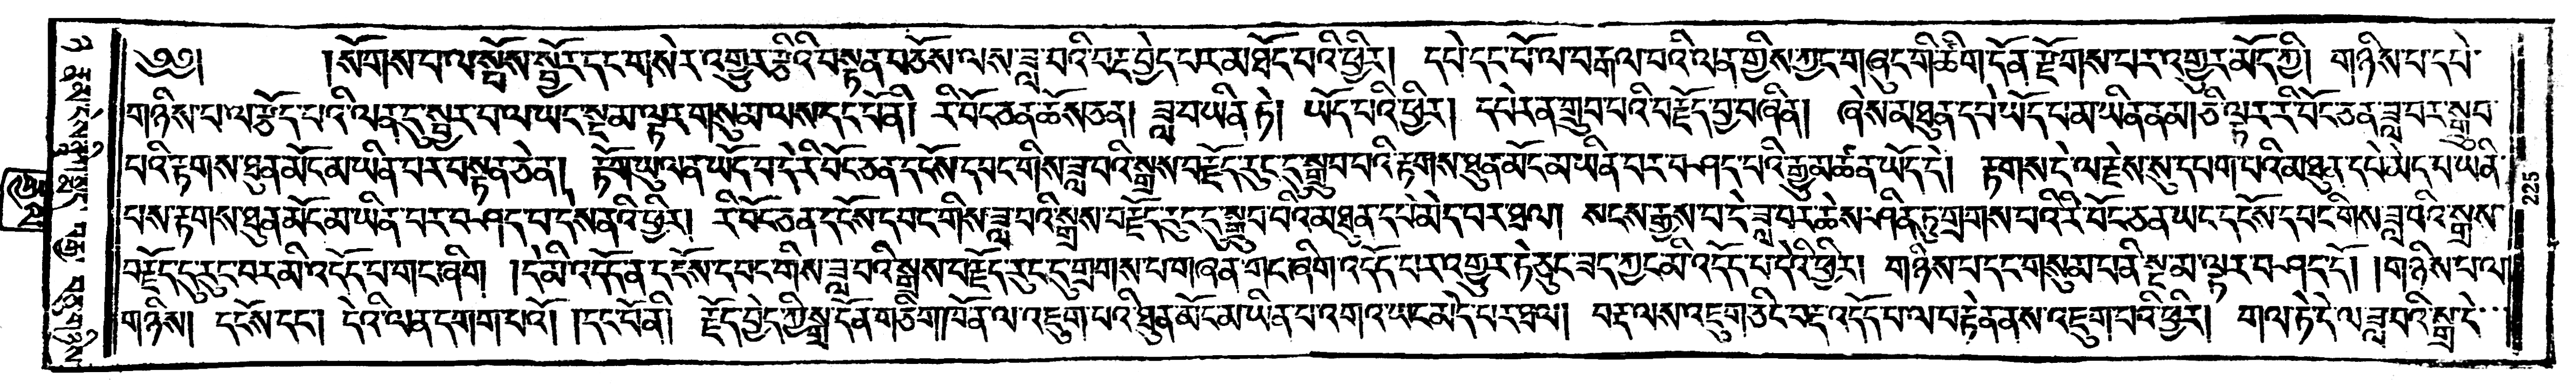༄༅། །སོགས་པ་ལ་སྤོས་སྦྱོར་དང་གསེར་འགྱུར་རྩིའི་བསྟན་བཅོས་ལས་ཟླ་བའི་བརྡ་བྱེད་པར་མཐོང་བའི་ཕྱིར། དཔེ་དང་པོ་ལ་བརྒལ་བའི་ལན་གྱིས་ཀྱང་གཞུང་གི་ཚིག་དོན་རྫོགས་པར་འགྱུར་མོད་ཀྱི། གཉིས་པ་དཔེ་
གཉིས་པ་ལ་རྩོད་པའི་ལན་དུ་སྦྱར་བ་ལ་ཡང་སྔ་མ་ལྟར་གསུམ་ལས་དང་པོ་ནི། རི་བོང་ཅན་ཆོས་ཅན། ཟླ་བ་ཡིན་ཏེ། ཡོད་པའི་ཕྱིར། དཔེར་ན་གྲུབ་པའི་བརྗོད་བྱ་བཞིན། ཞེས་མཐུན་དཔེ་ཡོད་པ་མ་ཡིན་ནམ། ཅི་ལྟར་རི་བོང་ཅན་ཟླ་བར་སྒྲུབ་
པའི་རྟགས་ཐུན་མོང་མ་ཡིན་པར་བསྟན་ཅེན། རྟོག་ཡུལ་ན་ཡོད་པ་དེ་རི་བོང་ཅན་དངོས་དབང་གིས་ཟླ་བའི་སྒྲས་བརྗོད་རུང་དུ་སྒྲུབ་པའི་རྟགས་ཐུན་མོང་མ་ཡིན་པར་བཤད་པའི་རྒྱུ་མཚན་ཡོད་དེ། རྟགས་དེ་ལ་རྗེས་སུ་དཔག་པའི་མཐུན་དཔེ་མེད་པ་ཡིན་
པས་རྟགས་ཐུན་མོང་མ་ཡིན་པར་བཤད་པ་དེས་ནའི་ཕྱིར། རི་བོང་ཅན་དངོས་དབང་གིས་ཟླ་བའི་སྒྲས་བརྗོད་རུང་དུ་སྒྲུབ་པའི་མཐུན་དཔེ་མེད་པར་ཐལ། སངས་རྒྱས་པ་དེ་ཟླ་བར་ཆེས་ཤིན་ཏུ་གྲགས་པའི་རི་བོང་ཅན་ཡང་དངོས་དབང་གིས་ཟླ་བའི་སྒྲས་
བརྗོད་དུ་རུང་བར་མི་འདོད་པ་གང་ཞིག །དེ་མི་འདོད་ན་དངོས་དབང་གིས་ཟླ་བའི་སྒྲས་བརྗོད་རུང་དུ་གྲགས་པ་གཞན་གང་ཞིག་འདོད་པར་འགྱུར་ཏེ་ཅུང་ཟད་ཀྱང་མི་འདོད་པ་དེའི་ཕྱིར། གཉིས་པ་དང་གསུམ་པ་ནི་སྔ་མ་ལྟར་བཤད་དོ། །གཉིས་པ་ལ་
གཉིས། དངོས་དང་། དེའི་ལན་དགག་པའོ། །དང་པོ་ནི། རྗོད་བྱེད་ཀྱི་སྒྲ་དོན་གཅིག་ཁོ་ན་ལ་འཇུག་པའི་ཐུན་མོང་མ་ཡིན་པ་འགའ་ཡང་མེད་པར་ཐལ། བརྡ་ལས་འཇུག་ཅིང་བརྡ་འདོད་པ་ལ་བརྟེན་ནས་འཇུག་པའི་ཕྱིར། གལ་ཏེ་དེ་ལ་ཟླ་བའི་སྒྲ་དེ་